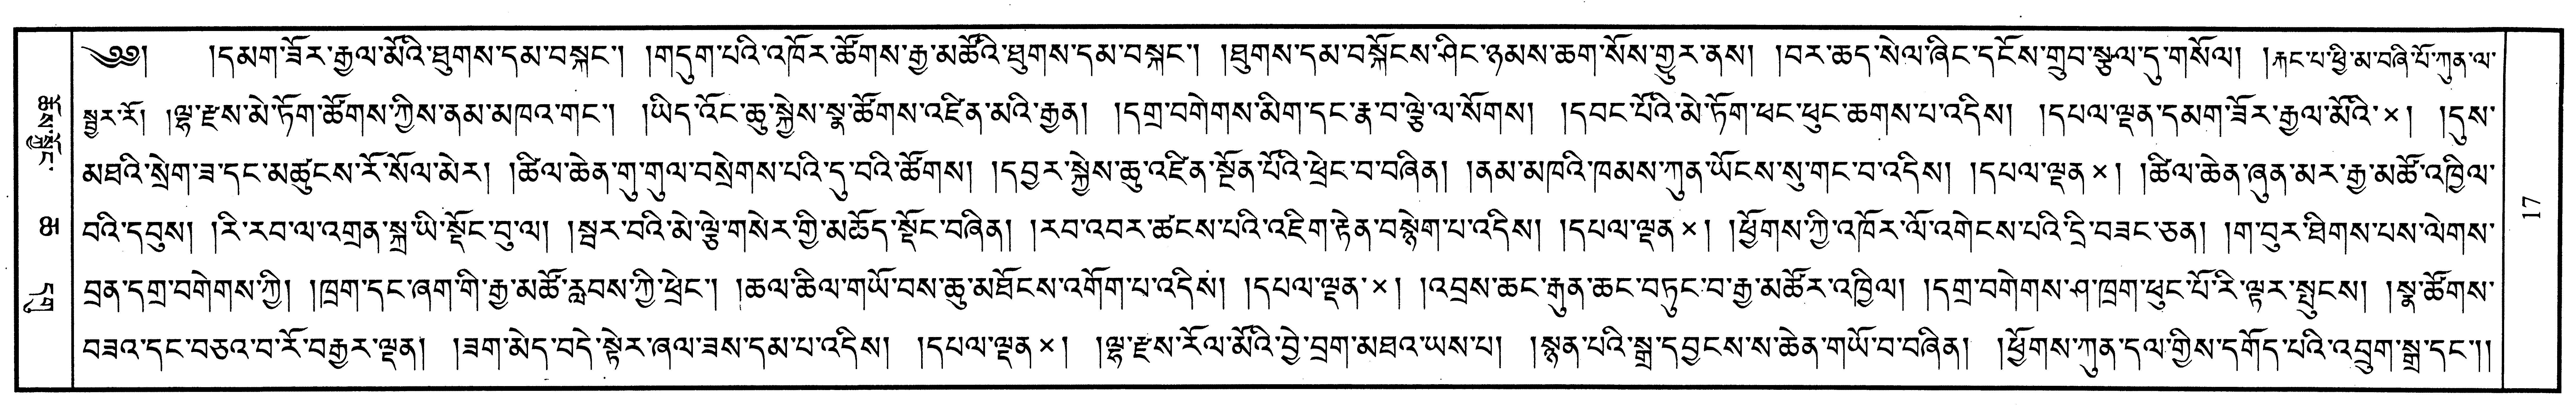༄༅། །དམག་ཟོར་རྒྱལ་མོའི་ཐུགས་དམ་བསྐང་། །གདུག་པའི་འཁོར་ཚོགས་རྒྱ་མཚོའི་ཐུགས་དམ་བསྐང་། །ཐུགས་དམ་བསྐོང་ཤིང་ཉམས་ཆག་སོས་གྱུར་ནས། །བར་ཆད་སེལ་ཞིང་དངོས་གྲུབ་སྩལ་དུ་གསོལ། །རྐང་པ་ཕྱི་མ་བཞི་པོ་ཀུན་ལ་
སྦྱར་རོ། །ལྷ་རྫས་མེ་ཏོག་ཚོགས་ཀྱིས་ནམ་མཁའ་གང་། །ཡིད་འོང་ཆུ་སྐྱེས་སྣ་ཚོགས་འཛིན་མའི་རྒྱན། །དགྲ་བགེགས་མིག་དང་རྣ་བ་ལྕེ་ལ་སོགས། །དབང་པོའི་མེ་ཏོག་ཕང་ཕུང་ཆགས་པ་འདིས། །དཔལ་ལྡན་དམག་ཟོར་རྒྱལ་མོའི་྾། །དུས་
མཐའི་སྲེག་ཟ་དང་མཚུངས་རོ་སོལ་མེར། །ཚིལ་ཆེན་གུ་གུལ་བསྲེགས་པའི་དུ་བའི་ཚོགས། །དབྱར་སྐྱེས་ཆུ་འཛིན་སྔོན་པོའི་ཕྲེང་བ་བཞིན། །ནམ་མཁའི་ཁམས་ཀུན་ཡོངས་སུ་གང་བ་འདིས། །དཔལ་ལྡན་྾། །ཚིལ་ཆེན་ཞུན་མར་རྒྱ་མཚོ་འཁྱིལ་
བའི་དབུས། །རི་རབ་ལ་འགྲན་སྐྲ་ཡི་སྡོང་བུ་ལ། །སྦར་བའི་མེ་ལྕེ་གསེར་གྱི་མཆོད་སྡོང་བཞིན། །རབ་འབར་ཚངས་པའི་འཇིག་རྟེན་བསྙེག་པ་འདིས། །དཔལ་ལྡན་྾། །ཕྱོགས་ཀྱི་འཁོར་ལོ་འགེངས་པའི་དྲི་བཟང་ཅན། །ག་བུར་ཐིགས་པས་ལེགས་
བྲན་དགྲ་བགེགས་ཀྱི། །ཁྲག་དང་ཞག་གི་རྒྱ་མཚོ་རླབས་ཀྱི་ཕྲེང་། །ཆལ་ཆིལ་གཡོ་བས་ཆུ་མཐོངས་འགོག་པ་འདིས། །དཔལ་ལྡན་྾། །འབྲས་ཆང་རྒུན་ཆང་བཏུང་བ་རྒྱ་མཚོར་འཁྱིལ། །དགྲ་བགེགས་ཤ་ཁྲག་ཕུང་པོའི་རི་ལྟར་སྤུངས། །སྣ་ཚོགས་
བཟའ་དང་བཅའ་བ་རོ་བརྒྱར་ལྡན། །ཟག་མེད་བདེ་སྟེར་ཞལ་ཟས་དམ་པ་འདིས། །དཔལ་ལྡན་྾། །ལྷ་རྫས་རོལ་མོའི་བྱེ་བྲག་མཐའ་ཡས་པ། །སྙན་པའི་སྒྲ་དབྱངས་ས་ཆེན་གཡོ་བ་བཞིན། །ཕྱོགས་ཀུན་དལ་གྱིས་དགོད་པའི་འབྲུག་སྒྲ་དང།།